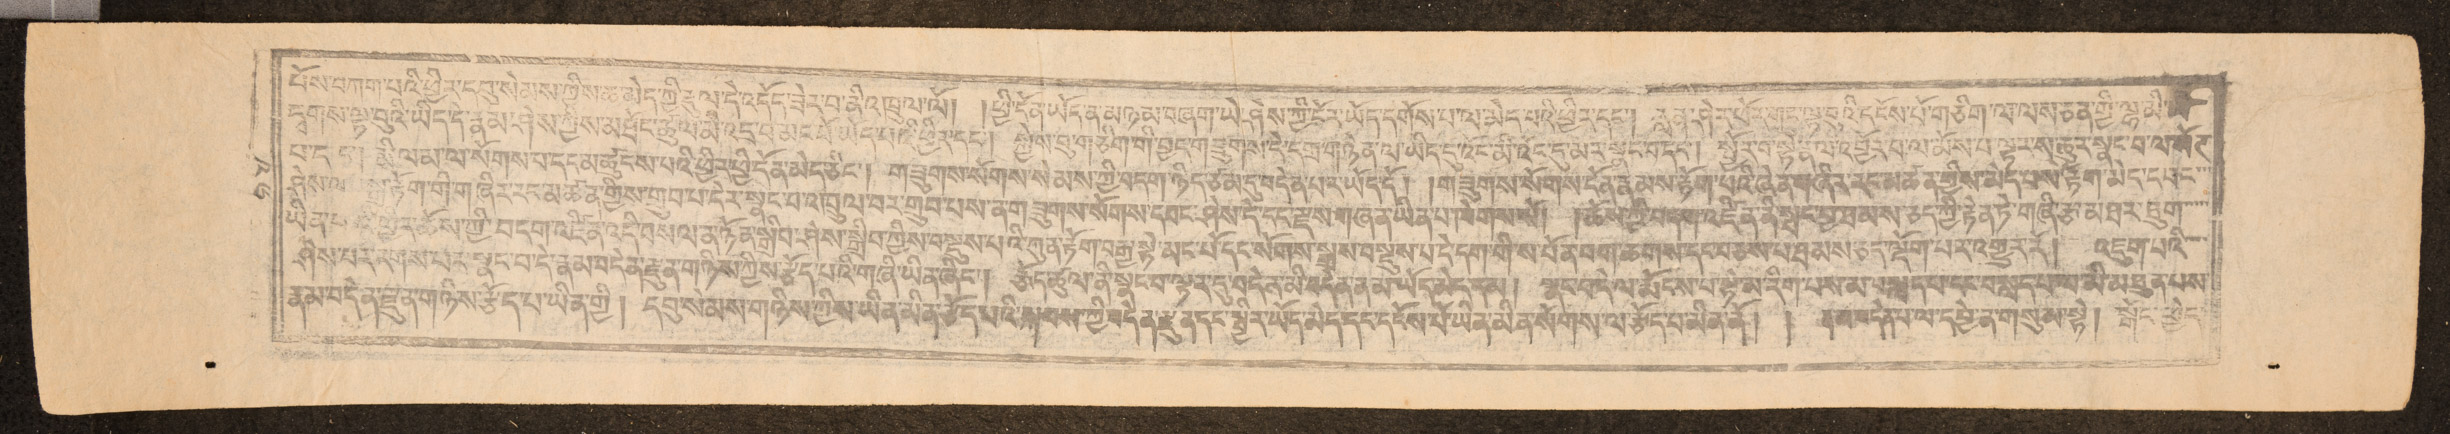པོས་བཀག་པའི་ཕྱིར་དབུ་སེམས་ཀྱིས་ཆ་མེད་ཀྱི་རྡུལ་དེ་འདོད་ཟེར་བ་ནི་འཁྲུལ་ལོ། །ཕྱི་དོན་ཡོད་ན་མཉམ་བཞག་ཡེ་ཤེས་ཀྱི་ངོར་ཡོད་དགོས་པ་ལ་མེད་པའི་ཕྱིར་དང་། རླན་ཤེས་ཕོར་གང་ལྟ་བུའི་དངོས་པོ་གཅིག་ལ་ལས་ཅན་གྱི་ལྷ་མི་ཡི་
དྭགས་ལྟ་བུའི་ཡིད་དེ་རྣམ་ཤེས་ཀྱིས་མཐོང་ཚུལ་མི་འདྲ་བ་མང་པོ་ཡོད་པའི་ཕྱིར་དང་། སྐྱེས་བུ་གཅིག་གི་བྱང་གཟུགས་དེ་དགྲ་གཉེན་ལ་ཡིད་དུ་འོང་མི་འོང་དུ་མར་སྣང་བ་དང་། སྦྱོར་བ་སྟེ་རྣལ་འབྱོར་བ་ལ་མོས་པ་ལྟར་ས་ཆུར་སྣང་བ་ལ་སོགས་
པ་དང་། རྨི་ལམ་ལ་སོགས་པ་དང་མཚུངས་པའི་ཕྱིར་ཕྱི་དོན་མེད་ཅིང་། གཟུགས་སོགས་སེམས་ཀྱི་བདག་ཉིད་ཙམ་དུ་བདེན་པར་ཡོད་དོ། །གཟུགས་སོགས་དོན་རྣམས་རྟོག་པའི་ཞེན་གཞིར་རང་མཚན་གྱིས་མེད་པས་རྟོག་མེད་དབང་
ཤེས་ལ་སྒྲ་རྟོག་གི་གཞིར་རང་མཚན་གྱིས་གྲུབ་པ་དེར་སྣང་བ་འཁྲུལ་བར་གྲུབ་པས་ན་གཟུགས་སོགས་དབང་ཤེས་དེ་དང་རྫས་གཞན་ཡིན་པ་ཁེགས་སོ། །ཆོས་ཀྱི་བདག་འཛིན་ནི་སྤང་བྱ་ཐམས་ཅད་ཀྱི་རྟེན་ཏེ་གཞི་རྩ་མཐར་ཐུག་
ཡིན་པའི་ཕྱིར་ཆོས་ཀྱི་བདག་འཛིན་འདི་བསལ་ན་ཉོན་སྒྲིབ་ཤེས་སྒྲིབ་ཀྱིས་བསྡུས་པའི་ཀུན་རྟོག་བརྒྱ་སྟེ་མང་པོ་དང་སོགས་སྒྲས་བསྡུས་པ་དེ་དག་གི་ས་བོན་བག་ཆགས་དང་བཅས་པ་ཐམས་ཅད་ལྡོག་པར་འགྱུར་རོ། འཇུག་པའི་
ཤེས་པར་རགས་པར་སྣང་བ་དེ་རྣམ་བདེན་རྫུན་གཉིས་ཀྱིས་རྩོད་པའི་གཞི་ཡིན་ཞིང་། རྩོད་ཚུལ་ནི་སྣང་བ་ལྟར་དུ་བདེན་མི་བདེན་ནམ་ཡོད་མེད་དམ། སྣང་བདེ་ལ་རྨོངས་པ་སྟེ་མ་རིག་པས་མ་བསླད་པ་དང་བསླད་པ་ལ་མི་མཐུན་པས་
རྣམ་བདེན་རྫུན་གཉིས་རྩོད་པ་ཡིན་གྱི། དབུ་སེམས་གཉིས་ཀྱིས་ཡིན་མིན་རྩོད་པའི་སྐབས་ཀྱི་བདེན་རྫུན་དང་སྦྱིར་ཡོད་མེད་དང་དངོས་པོ་ཡིན་མིན་སོགས་ལ་རྩོད་པ་མིན་ནོ། །རྣམ་བདེན་པ་ལ་དབྱེ་ན་གསུམ་སྟེ། སྒོང་ཕྱེད་